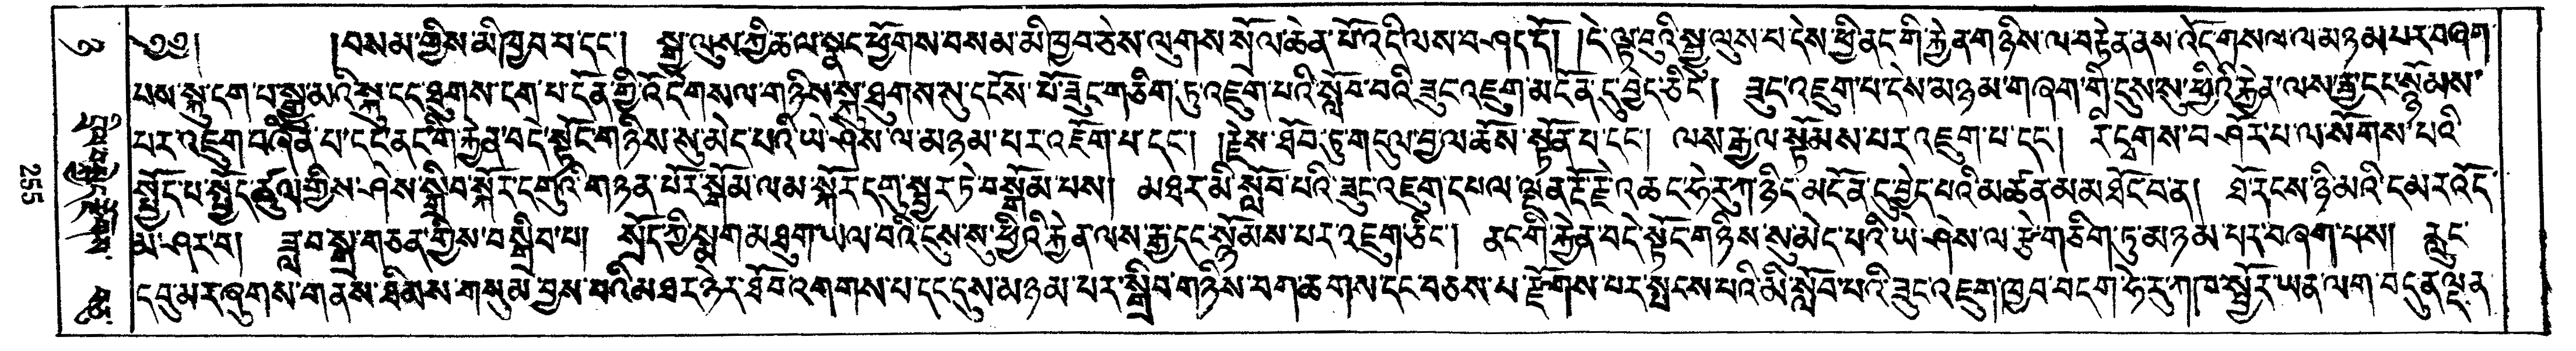༄༅། །བསམ་གྱིས་མི་ཁྱབ་པ་དང་། སྒྱུ་ལུས་ཀྱི་ཆ་ལ་སྣང་ཕྱོགས་བསམ་མི་ཁྱབ་ཅེས་ལུགས་སྲོལ་ཆེན་པོ་འདི་ལས་བཤད་དོ། །དེ་ལྟ་བུའི་སྒྱུ་ལུས་པ་དེས་ཕྱི་ནང་གི་རྐྱེན་གཉིས་ལ་བརྟེན་ནས་འོད་གསལ་ལ་མཉམ་པར་བཞག།
པས་སྐུ་དག་པ་སྒྱུ་མའི་སྐུ་དང་ཐུགས་དག་པ་དོན་གྱི་འོད་གསལ་གཉིས་སྐུ་ཐུགས་སུ་དངོས་པོ་ཟུང་གཅིག་ཏུ་འཇུག་པའི་སློབ་པའི་ཟུད་འཇུག་མངོན་དུ་བྱེད་ཅིང་། ཟུང་འཇུག་པ་དེས་མཉམ་གཞག་གི་དུས་སུ་ཕྱིའི་རྐྱེན་ལས་རྒྱ་དང་སྙོམས་
པར་འཇུག་བཞིན་པ་དང་ནང་གི་རྐྱེན་བདེ་སྟོང་གཉིས་སུ་མེད་པའི་ཡེ་ཤེས་ལ་མཉམ་པར་འཇོག་པ་དང་། རྗེས་ཐོབ་ཏུ་གདུལ་བྱ་ལ་ཆོས་སྟོན་པ་དང་། ལས་རྒྱལ་སྙོམས་པར་འཇུག་པ་དང་། རི་དྭགས་བཤོར་བ་ལ་སོགས་པའི་
སྤྱོད་པ་སྤྱོད་ཚུལ་གྱིས་ཤེས་སྒྲིབ་སྐོར་དགུའི་གཉེན་པོར་སྒོམ་ལམ་སྐོར་དགུ་སྦྱར་ཏེ་བསྒོམ་པས། མཐར་མི་སློབ་བའི་ཟུང་འཇུག་དཔལ་ལྡན་རྡོ་རྗེ་འཆང་ཧེ་རུ་ཀ་ཉིད་མངོན་དུ་བྱེད་པའི་མཚན་མ་མཐོང་བན། ཐོ་རངས་ཉི་མའི་དམར་འོད་
མ་ཤར་བ། ཟླ་བ་སྒྲ་གཅན་གྱིས་བསྒྲིབ་པ། སྲོད་ཀྱི་སྨག་མཐུག་ཡལ་བའི་དུས་སུ་ཁྱིའི་རྐྱེན་ལས་རྒྱ་དང་སྙོམས་པར་འཇུག་ཅིང་། ནད་གི་རྐྱེན་བདེ་སྟོང་གཉིས་སུ་མེད་པའི་ཡེ་ཤེས་ལ་ལ་རྩེ་གཅིག་ཏུ་མཉམ་པར་བཞག་པས། རླུང་
དབུ་མར་ཞུགས་གནས་ཐིམས་གསུམ་བྱས་པའི་མཐར་ཉེར་ཐོབ་འགགས་པ་དང་དུས་མཉམ་པར་སྒྲིབ་གཉིས་བག་ཆགས་དང་བཅས་པ་རྫོགས་པར་སྤངས་པའི་མི་སློབ་པའི་ཟུང་འཇུག་ཁྱབ་བདག་ཧེ་རུ་ཀ་ཁ་སྦྱོར་ཡན་ལག་བདུན་ལྡན་